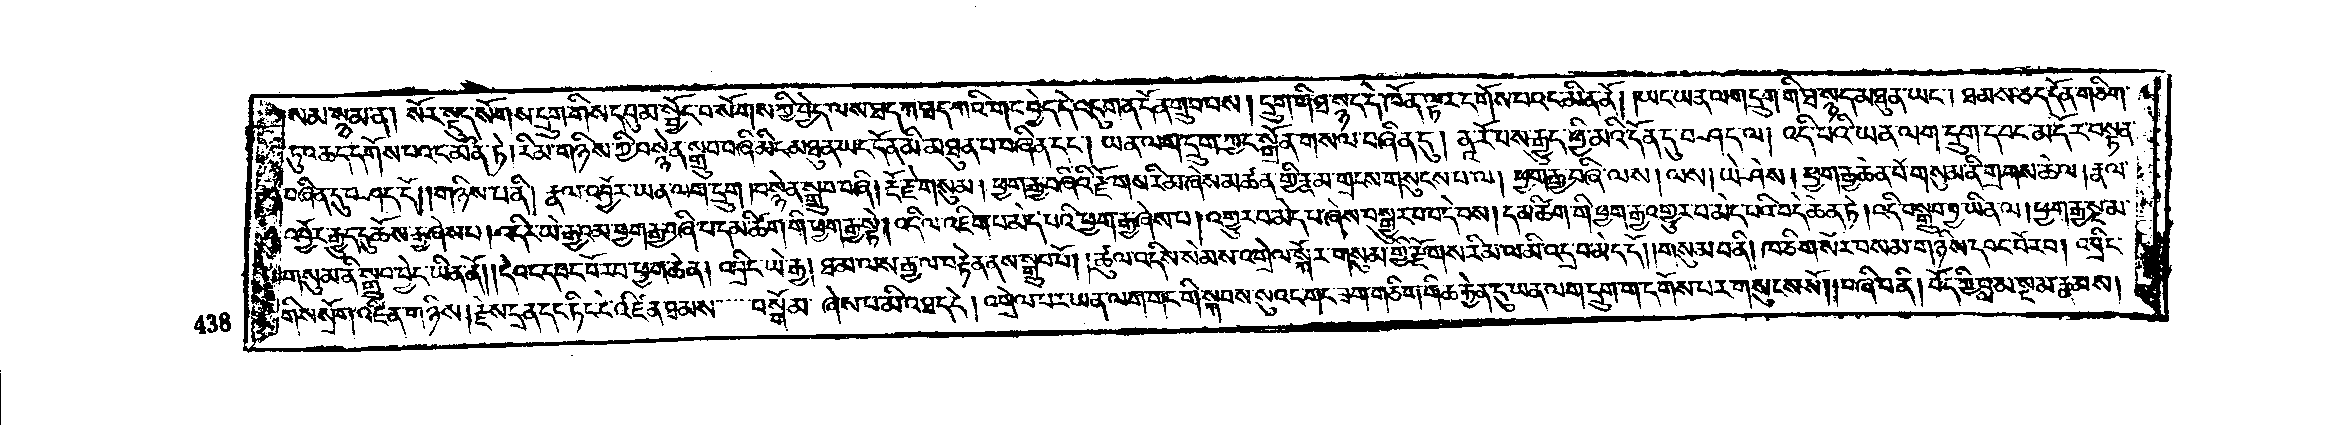སམ་སྙམ་ན། སོར་སྡུད་སོགས་དྲུག་གིས་དབུ་མ་སྦྱོང་བ་སོགས་ཀྱི་བྱེད་ལས་ཐད་ཀ་ཐད་ཀའི་གང་བྱེད་དེ་འདུག་ན་དོན་གྲུབ་པས། དྲུག་གི་ཐ་སྙད་དེ་ཁོ་ན་ལྟར་དགོས་པའང་མིན་ནོ། །ཡང་ཡན་ལག་དྲུག་གི་ཐ་སྙད་མཐུན་ཡང་། ཐམས་ཅད་དོན་གཅིག་
ཏུ་འཆད་དགོས་པའང་མིན་ཏེ། རིམ་གཉིས་ཀྱི་བསྙེན་སྒྲུབ་བཞི་མིང་མཐུན་ཡང་དོན་མི་མཐུན་པ་བཞིན་དང་། ཡན་ལག་དྲུག་ཀྱང་སྒྲོན་གསལ་བཞིན་དུ། ནཱ་རོ་པས་རྒྱུད་ཕྱི་མའི་དོན་དུ་བཤད་ལ། འདི་པའི་ཡན་ལག་དྲུག་དབང་མདོར་བསྟན་
བཞིན་དུ་བཤད་དོ། །གཉིས་པ་ནི། རྣལ་འབྱོར་ཡན་ལག་དྲུག །བསྙེན་སྒྲུབ་བཞི། རྡོ་རྗེ་གསུམ། ཕྱག་རྒྱ་བཞིའི་རྫོགས་རིམ་ཞེས་མཚན་གྱི་རྣམ་གྲངས་གསུངས་པ་ལ། ཕྱག་རྒྱ་བཞི་ལས། ལས། ཡེ་ཤེས། ཕྱག་རྒྱ་ཆེན་པོ་གསུམ་ནི་གྲགས་ཆེ་ལ། རྣལ་
འབྱོར་རྒྱུད་དུ་ཆོས་རྒྱ་ཞེས་པ། འདིར་ཡེ་རྒྱའམ་ཕྱག་རྒྱ་བཞི་པ་དམ་ཚིག་གི་ཕྱག་རྒྱ་སྟེ། འདི་ལ་འཇིག་པ་མེད་པའི་ཕྱག་རྒྱ་ཞེས་པ། འགྱུར་བ་མེད་པ་ཞེས་བསྒྱུར་བ་བདེ་བས། དམ་ཚིག་གི་ཕྱག་རྒྱ་འགྱུར་བ་མེད་པའི་བདེ་ཆེན་ཏེ། འདི་བསྒྲུབ་བྱ་ཡིན་ལ། ཕྱག་རྒྱ་སྔ་མ་
གསུམ་ནི་སྒྲུབ་བྱེད་ཡིན་ནོ། །དེའང་དབང་པོ་རབ་ཕྱག་ཆེན། འབྲིང་ཡེ་རྒྱ། ཐ་མ་ལས་རྒྱ་ལ་བརྟེན་ནས་སྒྲུབ་པོ། །ཚུལ་འདིས་སེམས་འགྲེལ་སྐོར་གསུམ་གྱི་རྫོགས་རིམ་ལ་མི་འདྲ་བ་མེད་དོ། །གསུམ་པ་ནི། ཁ་ཅིག་སོར་བསམ་གཉིས་དབང་པོ་རབ། འབྲིང་
གིས་སྲོག་འཛིན་གཉིས། རྗེས་དྲན་དང་ཏིང་ངེ་འཛིན་ཐམས་བསྒོམ་ཞེས་པ་མི་འཐད་དེ། འགྲེལ་པར་ཡན་ལག་གང་གི་སྐབས་སུའང་གང་ཟག་གཅིག་གི་ཆ་རྐྱེན་དུ་ཡན་ལག་དྲུག་ག་དགོས་པར་གསུངས་སོ། །བཞི་པ་ནི། བོད་ཀྱི་བླ་མ་སྔ་མ་རྣམས།